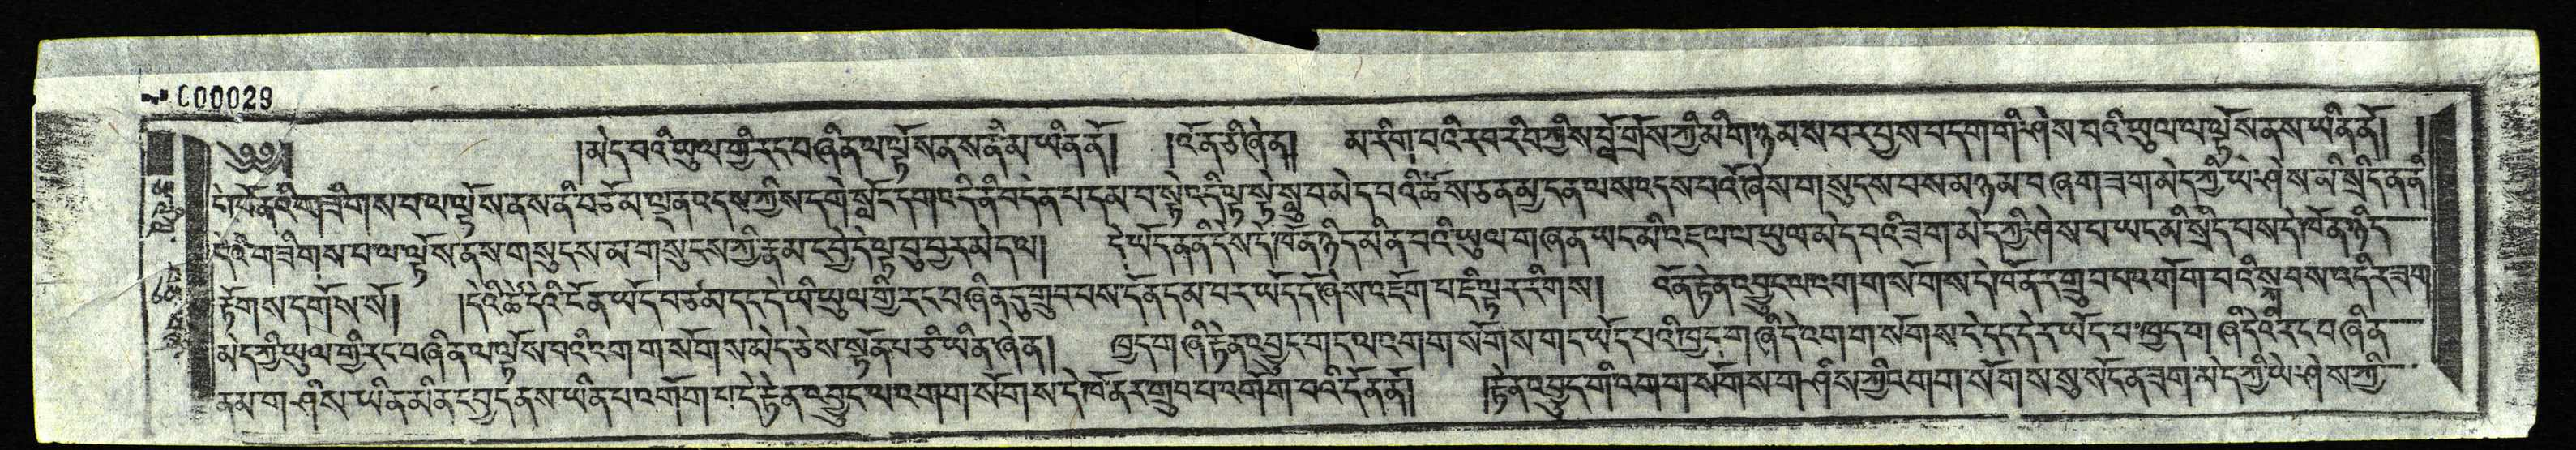༄༅། །མེད་བའི་ཡུལ་གྱི་རང་བཞིན་ལ་ལྟོས་ནས་ནི་མ་ཡིན་ནོ། །འོ་ན་ཅི་ཞེ་ན། མ་རིག་བའི་རབ་རིབ་ཀྱིས་བློ་གྲོས་ཀྱི་མིག་ཉམས་བར་བྱས་བདག་གི་ཤེས་བའི་ཡུལ་ལ་ལྟོས་ནས་ཡིན་ནོ། །
དེ་ཁོ་ནའི་གཟིགས་པ་ལ་ལྟོས་ནས་ནི་བཅོམ་ལྡན་འདས་ཀྱིས་དགེ་སློང་དག་འདི་ནི་བདེན་པ་དམ་བ་སྟེ་འདི་ལྟ་སྟེ་སླུ་བ་མེད་པའི་ཆོས་ཅན་མྱ་ངན་ལས་འདས་པའོ་ཞེས་གསུངས་བས་མཉམ་བཞག་ཟག་མེད་ཀྱི་ཡེ་ཤེས་མི་སྲིད་ན་ནི་
དེའི་གཟིགས་པ་ལ་ལྟོས་ནས་གསུངས་མ་གསུངས་ཀྱི་རྣམ་དབྱེ་དེ་ལྟ་བུ་བྱར་མེད་ལ། དེ་ཡོད་ན་ནི་དེས་དེ་ཁོ་ན་ཉིད་མིན་བའི་ཡུལ་གཞན་ཡང་མི་འཇལ་ལ་ཡུལ་མེད་བའི་ཟག་མེད་ཀྱི་ཤེས་པ་ཡང་མི་སྲིད་པས་དེ་ཁོ་ན་ཉིད་
རྟོགས་དགོས་སོ། །དེའི་ཚེ་དེའི་དོན་ཡོད་བ་ཙམ་དང་དེ་ཡི་ཡུལ་གྱི་རང་བཞིན་དུ་གྲུབ་བས་དོན་དམ་བར་ཡོད་དོ་ཞེས་འཇོག་པ་ཇི་ལྟར་རིགས། འོ་ན་རྟེན་འབྱུང་ལ་འགག་སོགས་དེ་ཁོ་ནར་གྲུབ་པ་འགོག་པའི་སྐབས་འདིར་ཟག་
མེད་ཀྱི་ཡུལ་གྱི་རང་བཞིན་ལ་ལྟོས་བའི་འགག་སོགས་མེད་ཅེས་སྟོན་པ་ཅི་ཡིན་ཞེ་ན། ཁྱད་གཞི་རྟེན་འབྱུང་གང་ལ་འགག་སོགས་གང་ཡོད་པའི་ཁྱད་གཞི་དེ་འགག་སོགས་དེ་དང་དེར་ཡོད་པ་ཁྱད་གཞི་དེའི་རང་བཞིན་
ནམ་གཤིས་ཡིན་མིན་དབྱད་ནས་ཡིན་པ་འགོག་པ་དེ་རྟེན་འབྱུང་ལ་འགག་སོགས་དེ་ཁོ་ནར་གྲུབ་པ་འགོག་བའི་དོན་ནོ། །རྟེན་འབྱུང་གི་འགག་སོགས་གཤིས་ཀྱི་འགག་སོགས་སུ་སོང་ན་ཟག་མེད་ཀྱི་ཡེ་ཤེས་ཀྱི་